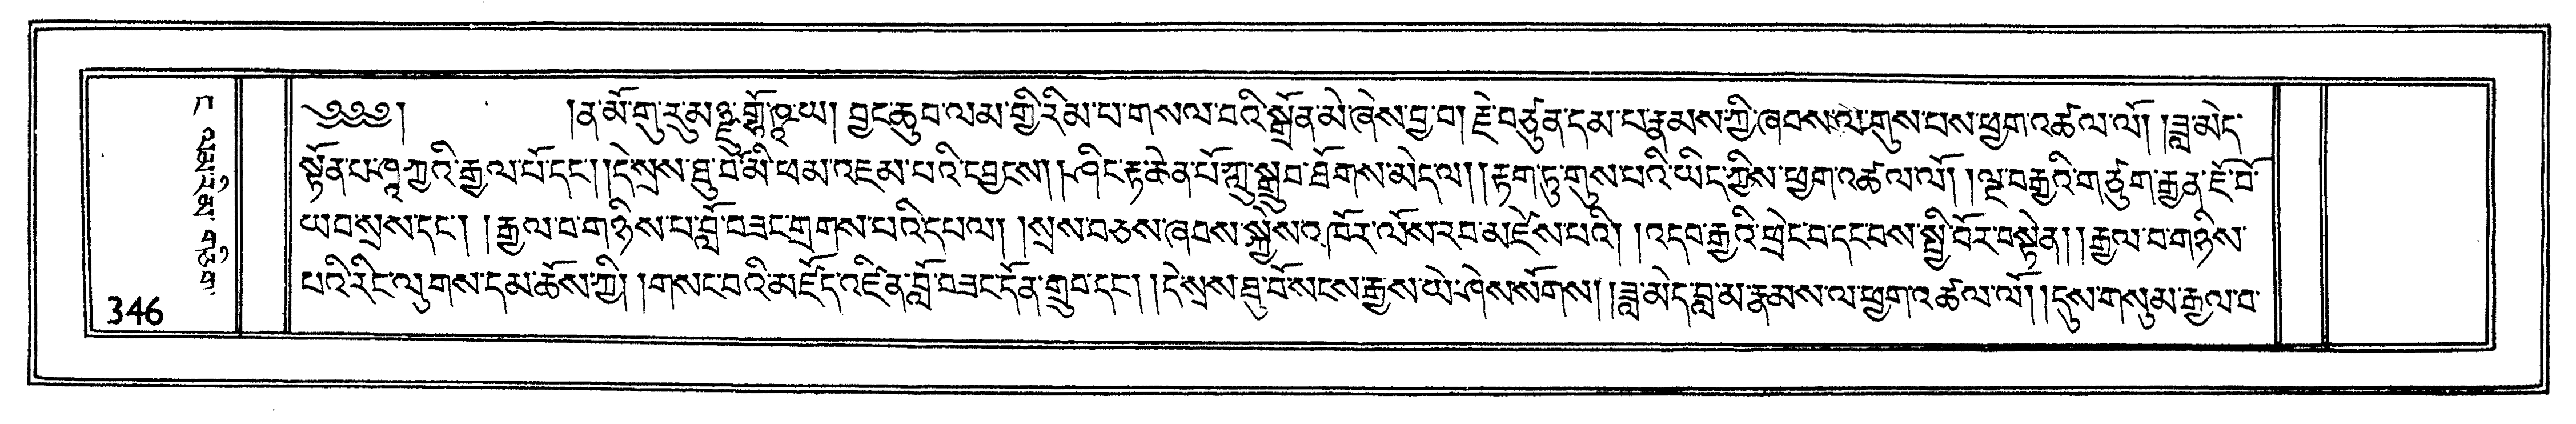༄༅༅། །ན་མོ་གུ་རུ་མཉྫུ་གྷོ་ཥཱ་ཡ། བྱང་ཆུབ་ལམ་གྱི་རིམ་པ་གསལ་བའི་སྒྲོན་མེ་ཞེས་བྱ་བ། རྗེ་བཙུན་དམ་པ་རྣམས་ཀྱི་ཞབས་ལ་གུས་པས་ཕྱག་འཚལ་ལོ། །ཟླ་མེད་
སྟོན་པ་ཤཱཀྱའི་རྒྱལ་པོ་དང་། །དེ་སྲས་ཐུ་བོ་མི་ཕམ་འཇམ་པའི་དབྱངས། །ཤིང་རྟ་ཆེན་པོ་ཀླུ་སྒྲུབ་ཐོགས་མེད་ལ། །རྟག་ཏུ་གུས་པའི་ཡིད་ཀྱིས་ཕྱག་འཚལ་ལོ། །ལྔ་བརྒྱའི་གཙུག་རྒྱན་ཇོ་བོ་
ཡབ་སྲས་དང་། །རྒྱལ་བ་གཉིས་པ་བློ་བཟང་གྲགས་པའི་དཔལ། །སྲས་བཅས་ཞབས་སྐྱེས་འཁོར་ལོས་རབ་མཛེས་པའི། །འདབ་རྒྱའི་ཕྲེང་བ་དང་བས་སྤྱི་བོར་བསྟེན། །རྒྱལ་བ་གཉིས་
པའི་རིང་ལུགས་དམ་ཆོས་ཀྱི། །གསང་བའི་མཛོད་འཛིན་བློ་བཟང་དོན་གྲུབ་དང་། །དེ་སྲས་ཐུ་བོ་སངས་རྒྱས་ཡེ་ཤེས་སོགས། །ཟླ་མེད་བླ་མ་རྣམས་ལ་ཕྱག་འཚལ་ལོ། །དུས་གསུམ་རྒྱལ་བ་